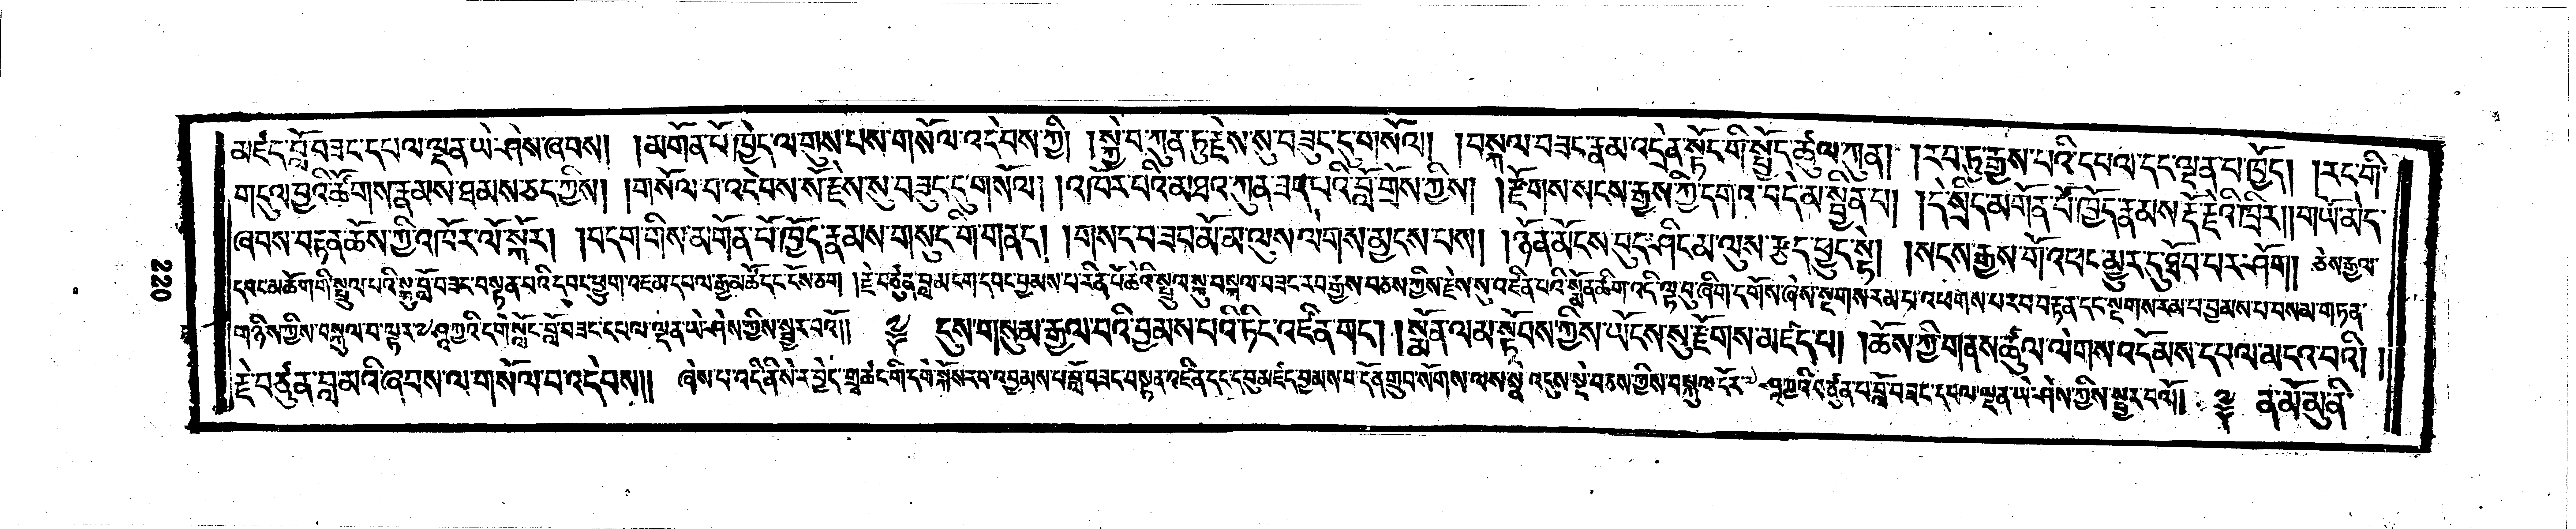མཛད་བློ་བཟང་དཔལ་ལྡན་ཡེ་ཤེས་ཞབས། །མགོན་པོ་ཁྱེད་ལ་གུས་པས་གསོལ་འདེབས་ཀྱི། །སྐྱེ་བ་ཀུན་ཏུ་རྗེས་སུ་བཟུང་དུ་གསོལ། །བསྐལ་བཟང་རྣམ་འདྲེན་སྟོང་གི་སྤྱོད་ཚུལ་ཀུན། །རབ་ཏུ་རྒྱས་པའི་དཔལ་དང་ལྡན་པ་ཁྱོད། །རང་གི་
གདུལ་བྱའི་ཚོགས་རྣམས་ཐམས་ཅད་ཀྱིས། །གསོལ་བ་འདེབས་སོ་རྗེས་སུ་བཟུང་དུ་གསོལ། །འཁོར་བའི་མཐའ་ཀུན་ཟད་པའི་བློ་གྲོས་ཀྱིས། །རྫོགས་སངས་རྒྱས་ཀྱི་དགའ་བདེ་མ་སྦྱིན་པ། །དེ་སྲིད་མགོན་པོ་ཁྱོད་རྣམས་རྡོ་རྗེའི་ཁྲིར། །གཡོ་མེད་
ཞབས་བརྟན་ཆོས་ཀྱི་འཁོར་ལོ་སྐོར། །བདག་གིས་མགོན་པོ་ཁྱོད་རྣམས་གསུང་གི་གནད། །གསང་བ་ཟབ་མོ་མ་ལུས་ལེགས་མྱངས་པས། །ཉོན་མོངས་བུད་ཤིང་མ་ལུས་རྩད་ཕྱུང་སྟེ། །སངས་རྒྱས་གོ་འཕང་མྱུར་དུ་ཐོབ་པར་ཤོག། ཅེས་རྒྱལ་
དབང་མཆོག་གི་སྤྲུལ་པའི་སྐུ་བློ་བཟང་བསྟན་པའི་དབང་ཕྱུག་འཇམ་དཔལ་རྒྱ་མཚོ་དང་ངོས་ཅག །རྗེ་བཙུན་བླ་མ་ངག་དབང་བྱམས་པ་རིན་པོ་ཆེའི་སྤྲུལ་སྐུ་བསྐལ་བཟང་རབ་རྒྱས་བཅས་ཀྱིས་རྗེས་སུ་འཛིན་པའི་སྨོན་ཚིག་འདི་ལྟ་བུ་ཞིག་དགོས་ཞེས་སྔགས་རམ་པ་འཕགས་པ་རབ་བརྟན་དང་སྔགས་རམ་པ་བྱམས་པ་བསམ་གཏན་
གཉིས་ཀྱིས་བསྐུལ་བ་ལྟར་༧་ཤཱཀྱའི་དགེ་སློང་བློ་བཟང་དཔལ་ལྡན་ཡེ་ཤེས་ཀྱིས་སྦྱར་བའོ།། ༈ དུས་གསུམ་རྒྱལ་བའི་བྱམས་པའི་ཏིང་འཛིན་གང་། །སྨོན་ལམ་སྟོབས་ཀྱིས་ཡོངས་སུ་རྫོགས་མཛད་པ། །ཆོས་ཀྱི་གནས་ཚུལ་ལེགས་འདོམས་དཔལ་མངའ་བའི། །
རྗེ་བཙུན་བླ་མའི་ཞབས་ལ་གསོལ་བ་འདེབས།། ཞེས་པ་འདི་ནི་སེ་ར་བྱེད་གྲྭ་ཚང་གི་དགེ་སྐོས་རབ་འབྱམས་པ་བློ་བཟང་བསྟན་འཛིན་དང་དབུ་མཛད་བྱམས་པ་དོན་གྲུབ་སོགས་ལས་སྣེ་འདུས་སྡེ་བཅས་ཀྱིས་བསྐུལ་ངོར་༧་ཤཱཀྱའི་བཙུན་པ་བློ་བཟང་དཔལ་ལྡན་ཡེ་ཤེས་ཀྱིས་སྦྱར་བའོ།། ༈ ན་མོ་མུ་ནི་